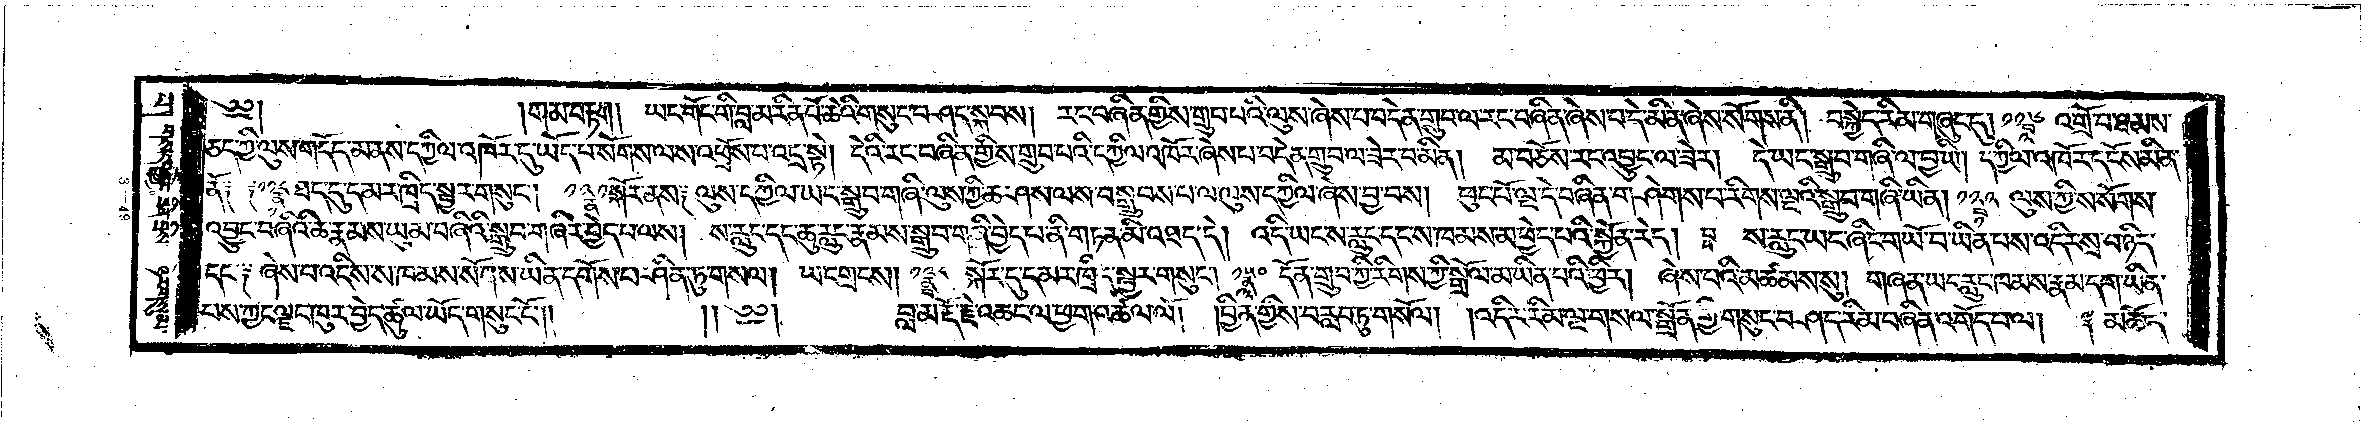༄༅། །གམ་བརྟག། ཡང་གོང་གི་བླ་མ་རིན་པོ་ཆེའི་གསུང་བཤད་སྐབས། རང་བཞིན་གྱིས་གྲུབ་པའི་ལུས་ཞེས་པ་བདེན་གྲུབ་ལ་རང་བཞིན་ཞེས་པ་དེ་མིན་ཞེས་སོགས་ནི། བསྐྱེད་རིམ་གཞུང་དུ། ༡༡༦བ༢་འགྲོ་བ་ཐམས་
ཅད་ཀྱི་ལུས་གདོད་མ་ནས་དཀྱིལ་འཁོར་དུ་ཡོད་པ་སོགས་ལས་འཕྲོས་པ་འདྲ་སྟེ། དེའི་རང་བཞིན་གྱིས་གྲུབ་པའི་དཀྱིལ་འཁོར་ཞེས་པ་བདེན་གྲུབ་ལ་ཟེར་བ་མིན། མ་བཅོས་རང་འབྱུང་ལ་ཟེར། དེ་ཡང་སྒྲུབ་གཞི་ལ་བྱ་ཡི། དཀྱིལ་འཁོར་དངོས་མིན་
ནོ༑ ༑༡༡༨ན༡་ཐད་དུ་དམར་ཁྲིད་སྦྱར་གསུང་། ༡༢༡ན་སྐོར་ནས༑ ལུས་དཀྱིལ་ཡང་སྒྲུབ་གཞི་ལུས་ཀྱི་ཆ་ཤས་ལས་བསྒྲུབས་པ་ལ་ལུས་དཀྱིལ་ཞེས་བྱ་བས། ཕུང་པོ་ལྔ་དེ་བཞིན་གཤེགས་པ་རིགས་ལྔའི་སྒྲུབ་གཞི་ཡིན། ༡༢༢བ༡་ལུས་ཀྱིས་སོགས་
འབྱུང་བཞིའི་ཆ་རྣམས་ཡུམ་བཞིའི་སྒྲུབ་གཞིར་བྱེད་པ་ལས། ས་རླུང་དང་ཆུ་རླུང་རྣམས་སྒྲུབ་གཞི་བྱེད་པ་ནི་གཏན་མི་འཐད་དེ། འདི་ཡང་ས་རླུང་དང་ས་ཁམས་མ་ཕྱེད་པའི་སྐྱོན་རེད། བ༥་ས་རླུང་ཡང་ཞིང་གཡོ་བ་ཡིན་པས་འདིར་སྲ་བ་ཉིད་
དང་༑ཞེས་པ་འདིས་ས་ཁམས་སོགས་ཡིན་དགོས་པ་ཤིན་ཏུ་གསལ། ཡང་གྲངས། ༡༢༨ནབ་སྐོར་དུ་དམར་ཁྲིད་སྦྱར་གསུང་། ༡༥༠ན༣་དོན་གྲུབ་ཀྱི་རིགས་ཀྱི་སྒྲོལ་མ་ཡིན་པའི་ཕྱིར། ཞེས་པའི་མཚམས་སུ། གཞན་ཡང་རླུང་ཁམས་རྣམ་དག་ཡིན་
པས་ཀྱང་ལྗང་ཁུར་བྱེད་ཚུལ་ཡོད་གསུང་ངོ།། །།༄༅། བླ་མ་རྡོ་རྗེ་འཆང་ལ་ཕྱག་འཚལ་ལོ། །བྱིན་གྱིས་བརླབ་ཏུ་གསོལ། །འདིར་རིམ་ལྔ་གསལ་སྒྲོན་གྱི་གསུང་བཤད་རིམ་བཞིན་འགོད་པ་ལ། ༈ མཆོད་